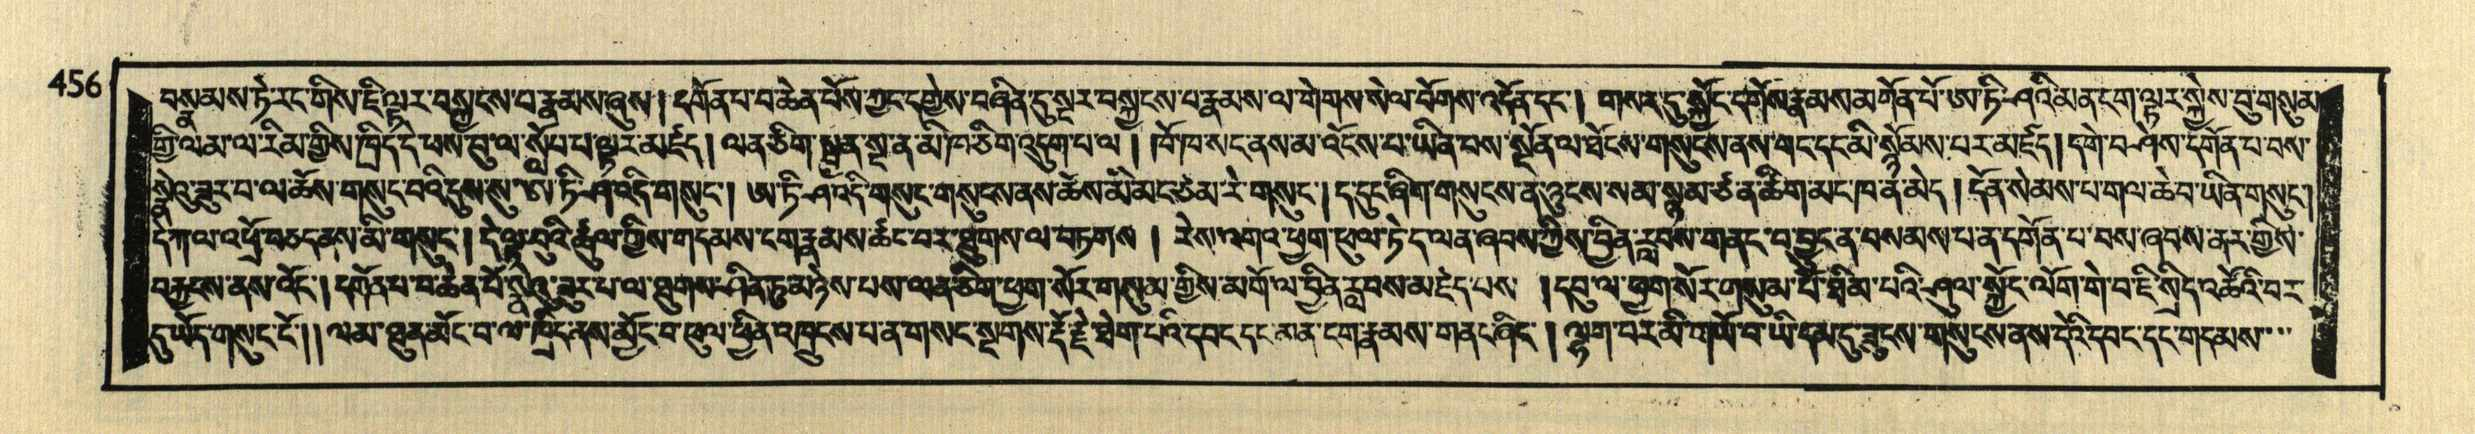བསྣམས་ཏེ་རང་གིས་ཇི་ལྟར་བསྐྱངས་བ་རྣམས་ཞུས། དགོན་པ་བ་ཆེན་པོས་ཀྱང་དགྱེས་བཞིན་དུ་སྔར་བསྐྱངས་པ་རྣམས་ལ་གེགས་སེལ་བོགས་འདོན་དང་། གསར་དུ་སྐྱོང་དགོས་རྣམས་མགོན་པོ་ཨ་ཏི་ཤའི་མན་ངག་ལྟར་སྐྱེས་བུ་གསུམ་
གྱི་ལམ་ལ་རིམ་གྱིས་ཁྲིད་དེ་ཕས་བུ་ལ་སློབ་པ་ལྟར་མཛད། ལན་ཅིག་སྤྱན་སྔ་ན་མི་ཁ་ཅིག་འདུག་པ་ལ། ཁོ་ཁ་སང་ནས་མ་འོངས་པ་ཡིན་པས་སྔོན་ལ་ཐོངས་གསུངས་ནས་གང་དང་མི་སྙོམས་པར་མཛད། དགེ་བཤེས་དགོན་པ་བས་
སྣེའུ་ཟུར་བ་ལ་ཆོས་གསུང་བའི་དུས་སུ་ཨ་ཏི་ཤ་འདི་གསུང་། ཨ་ཏི་ཤ་འདི་གསུང་གསུངས་ནས་ཆོས་མི་མང་ཙམ་རེ་གསུང་། ད་དུང་ཞིག་གསུངས་ན་ཉུངས་སམ་སྙམ་ཙ་ན་ཚིག་མང་ཁ་ན་མེད། དོན་སེམས་པ་གལ་ཆེ་བ་ཡིན་གསུང་།
དེ་ཀ་ལ་འཕྲོ་བཅད་ནས་མི་གསུང་། དེ་ལྟ་བུའི་ཚུལ་གྱིས་གདམས་ངག་རྣམས་ཚང་བར་ཐུགས་ལ་བཏགས། རེས་འགའ་ཕྱག་ཕུལ་ཏེ་ད་ལན་ཞབས་ཀྱིས་བྱིན་རླབས་གནང་བ་བྱུང་ན་བསམས་པ་ན་དགོན་པ་བས་ཞབས་ནར་གྱིས་
བརྐྱངས་ནས་འོང་། དགོན་པ་བ་ཆེན་པོ་སྣེའུ་ཟུར་པ་ལ་ཐུགས་ཤིན་ཏུ་མཉེས་པས་ལན་ཅིག་ཕྱག་སོར་གསུམ་གྱིས་མགོ་ལ་བྱིན་རླབས་མཛད་པས་།དབུ་ལ་ཕྱག་སོར་གསུམ་པོ་ཐིམ་པའི་ཤུལ་སྐྱོང་ལོག་གེ་བ་ཇི་སྲིད་འཚོའི་བར་
དུ་ཡོད་གསུང་ངོ། །ལམ་ཐུན་མོང་བ་ལ་ཁྲིད་ནས་མྱོང་བ་ཕུལ་ཕྱིན་འཁྲུངས་པ་ན་གསང་སྔགས་རྡོ་རྗེ་ཐེག་པའི་དབང་དང་མན་ངག་རྣམས་གནང་ཞིང་། ལྷག་པར་མི་གཡོ་བ་ཡི་དམ་དུ་ཟུངས་གསུངས་ནས་དེའི་དབང་དང་གདམས་